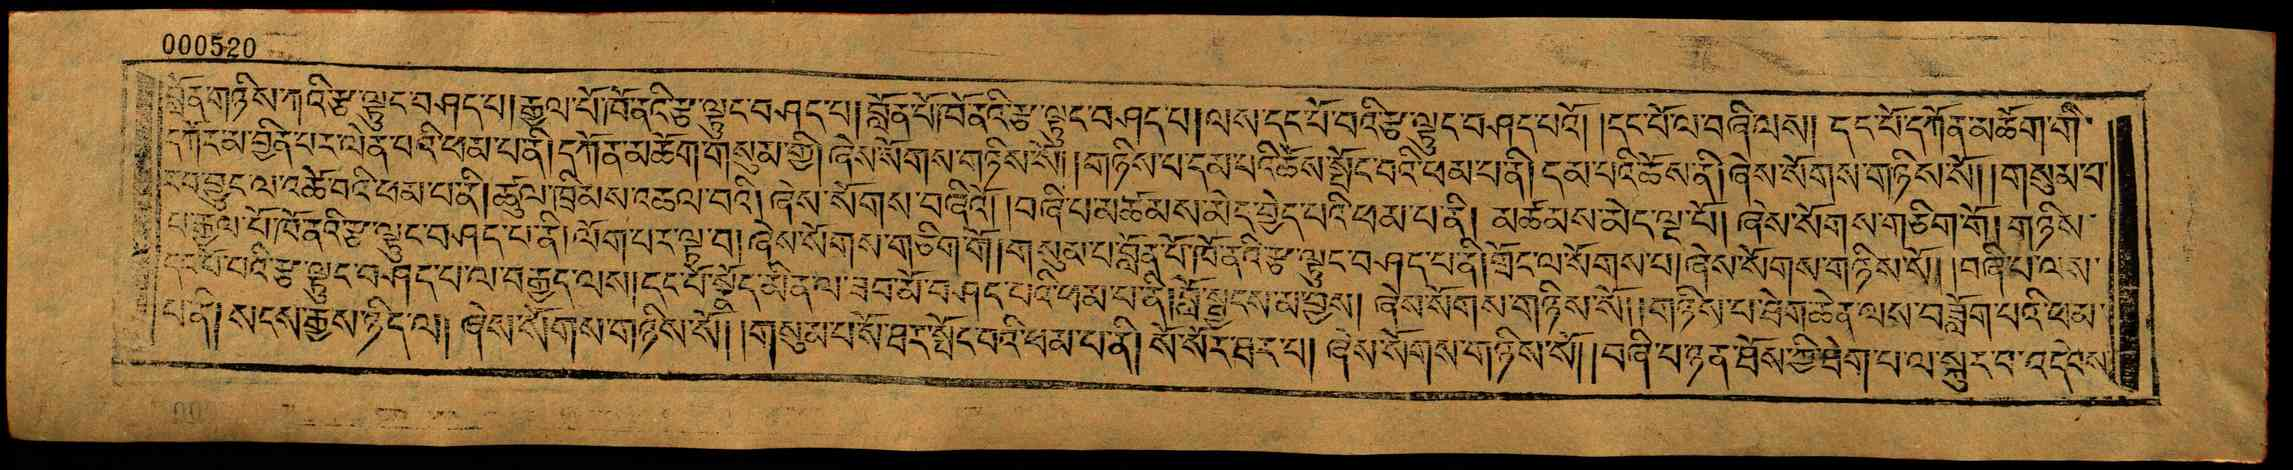བློན་གཉིས་ཀའི་རྩ་ལྟུང་བཤད་པ། རྒྱལ་པོ་ཁོ་ནའི་རྩ་ལྟུང་བཤད་པ། བློན་པོ་ཁོ་ནའི་རྩ་ལྟུང་བཤད་པ། ལས་དང་པོ་པའི་རྩ་ལྟུང་བཤད་པའོ། །དང་པོ་ལ་བཞི་ལས། དང་པོ་དཀོན་མཆོག་གི་
དཀོར་མ་བྱིན་པར་ལེན་པའི་ཕམ་པ་ནི། དཀོན་མཆོག་གསུམ་གྱི། ཞེས་སོགས་གཉིས་སོ། །གཉིས་པ་དམ་པའི་ཆོས་སྤོང་བའི་ཕམ་པ་ནི། དམ་པའི་ཆོས་ནི། ཞེས་སོགས་གཉིས་སོ། །གསུམ་པ་
རབ་བྱུང་ལ་འཚེ་བའི་ཕམ་པ་ནི། ཚུལ་ཁྲིམས་འཆལ་བའི། ཞེས་སོགས་བཞིའོ། །བཞི་པ་མཚམས་མེད་བྱེད་པའི་ཕམ་པ་ནི། མཚམས་མེད་ལྔ་པོ། ཞེས་སོགས་གཅིག་བོ། གཉིས་
པ་རྒྱལ་པོ་ཁོ་ནའི་རྩ་ལྟུང་བཤད་པ་ནི། ལོག་པར་ལྟ་བ། ཞེས་སོགས་གཅིག་གོ །གསུམ་པ་བློན་པོ་ཁོ་ནའི་རྩ་ལྟུང་བཤད་པ་ནི། གྲོང་ལ་སོགས་པ། ཞེས་སོགས་གཉིས་སོ། བཞི་པ་ལས་
དང་པོ་བའི་རྩ་ལྟུང་བཤད་པ་ལ་བརྒྱད་ལས། དང་པོ་སྣོད་མིན་ལ་ཟབ་མོ་བཤད་པའི་ཕམ་པ་ནི། བློ་སྦྱངས་མ་བྱས། ཞེས་སོགས་གཉིས་སོ། གཉིས་པ་ཐེག་ཆེན་ལས་བཟློག་པའི་ཕམ་
པ་ནི། སངས་རྒྱས་ཉིད་ལ། ཞེས་སོགས་གཉིས་སོ། །གསུམ་པ་སོ་ཐར་སྤོང་བའི་ཕམ་པ་ནི། སོ་སོར་ཐར་པ། ཞེས་སོགས་གཉིས་སོ། །བཞི་པ་ཉན་ཐོས་ཀྱི་ཐེག་པ་ལ་སྐུར་བ་འདེབས་